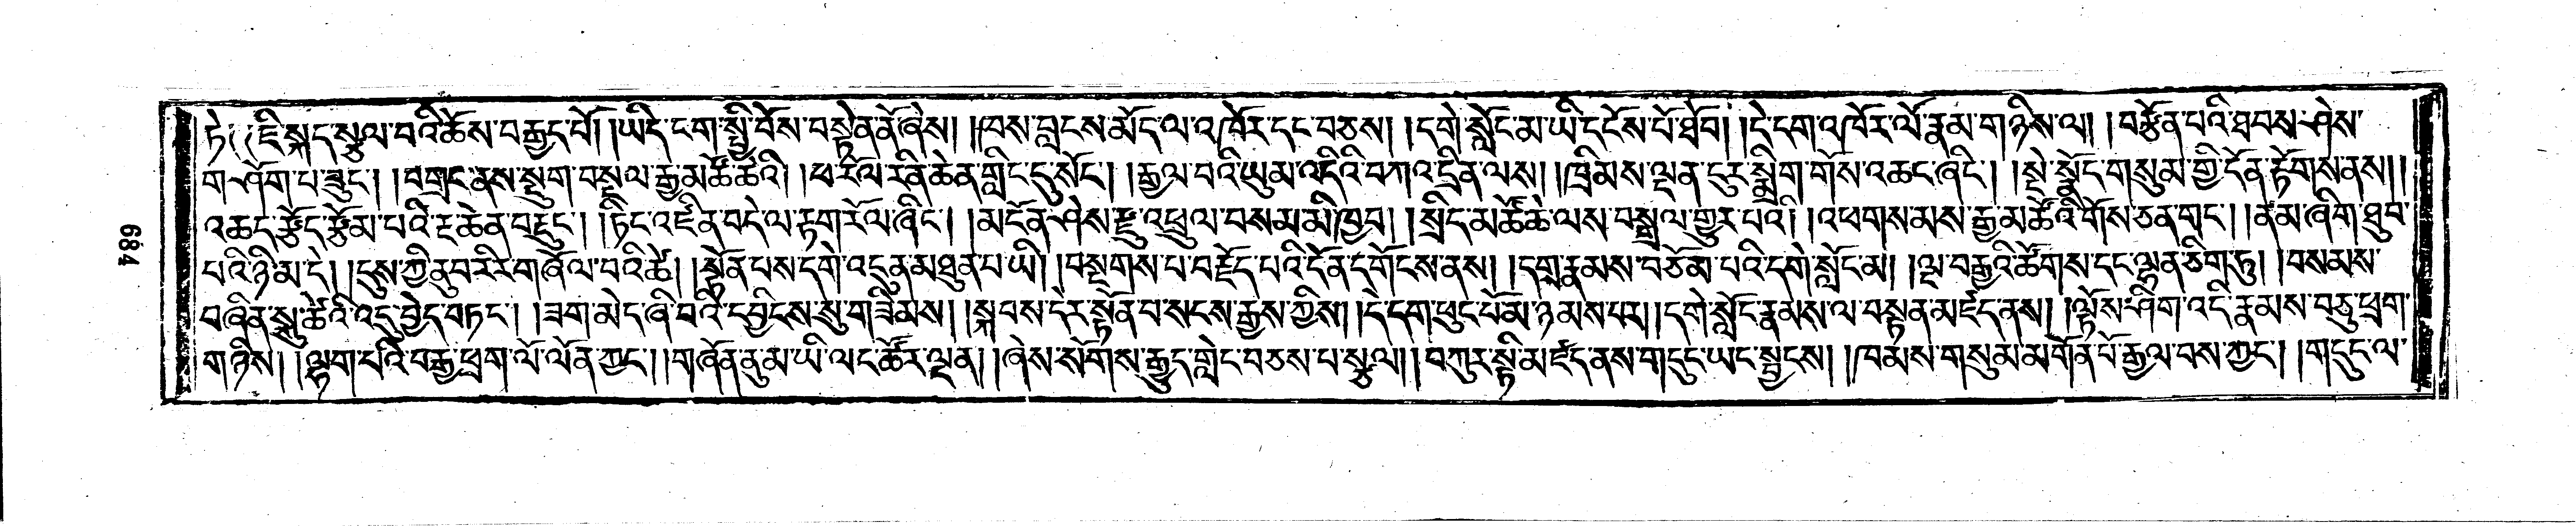ཏེ༑ ༑ཇི་སྐད་སྩལ་བའི་ཆོས་བརྒྱད་པོ། །ཡིད་ངག་སྤྱི་བོས་བསྟེན་ནོ་ཞེས། །ཁས་བླངས་མོད་ལ་འཁོར་དང་བཅས། །དགེ་སློང་མ་ཡི་དངོས་པོ་ཐོབ། །དེ་དག་འཁོར་ལོ་རྣམ་གཉིས་ལ། །བརྩོན་པའི་ཐབས་ཤེས་
གཤོག་པ་ཟུང་། །བགྲད་ནས་སྡུག་བསྔལ་རྒྱ་མཚོ་ཆེའི། །ཕ་རོལ་རིན་ཆེན་གླིང་དུ་སོང་། །རྒྱལ་བའི་ཡུམ་འདིའི་བཀའ་དྲིན་ལས། །ཁྲིམས་ལྡན་ངུར་སྨྲིག་གོས་འཆང་ཞིང་། །སྡེ་སྣོད་གསུམ་གྱི་དོན་རྟོགས་ནས། །
འཆད་རྩོད་རྩོམ་པའི་རྔ་ཆེན་བརྡུང་། །ཏིང་འཛིན་བདེ་ལ་རྟག་རོལ་ཞིང་། །མངོན་ཤེས་རྫུ་འཕྲུལ་བསམ་མི་ཁྱབ། །སྲིད་མཚོ་ཆེ་ལས་བསྒྲལ་གྱུར་པའི། །འཕགས་མས་རྒྱ་མཚོའི་གོས་ཅན་གང་། །ནམ་ཞིག་ཐུབ་
པའི་ཉི་མ་དེ། །དུས་ཀྱི་ནུབ་རིར་གཞོལ་བའི་ཚེ། །སྟོན་པས་དགེ་འདུན་མཐུན་པ་ཡི། །བསྔགས་པ་བརྗོད་པའི་དོན་དགོངས་ནས། །དགྲ་རྣམས་བཅོམ་པའི་དགེ་སློང་མ། །ལྔ་བརྒྱའི་ཚོགས་དང་ལྷན་ཅིག་ཏུ། །བསམས་
བཞིན་སྐུ་ཚེའི་འདུ་བྱེད་བཏང་། །ཟག་མེད་ཞི་བའི་དབྱིངས་སུ་གཟིམས། །སྐབས་དེར་སྟོན་པ་སངས་རྒྱས་ཀྱིས། །དེ་དག་ཕུང་པོ་མ་ཉམས་པར། །དགེ་སློང་རྣམས་ལ་བསྟན་མཛད་ནས། །ལྟོས་ཤིག་འདི་རྣམས་བཅུ་ཕྲག་
གཉིས། །ལྷག་པའི་བརྒྱ་ཕྲག་ལོ་ལོན་ཀྱང་། །གཞོན་ནུ་མ་ཡི་ལང་ཚོར་ལྡན། །ཞེས་སོགས་རྒྱུད་གླེང་བཅས་པ་སྩལ། །བཀུར་སྟི་མཛད་ནས་གདུང་ཡང་སྦྱངས། །ཁམས་གསུམ་མགོན་པོ་རྒྱལ་བས་ཀྱང་། །གདུང་ལ་